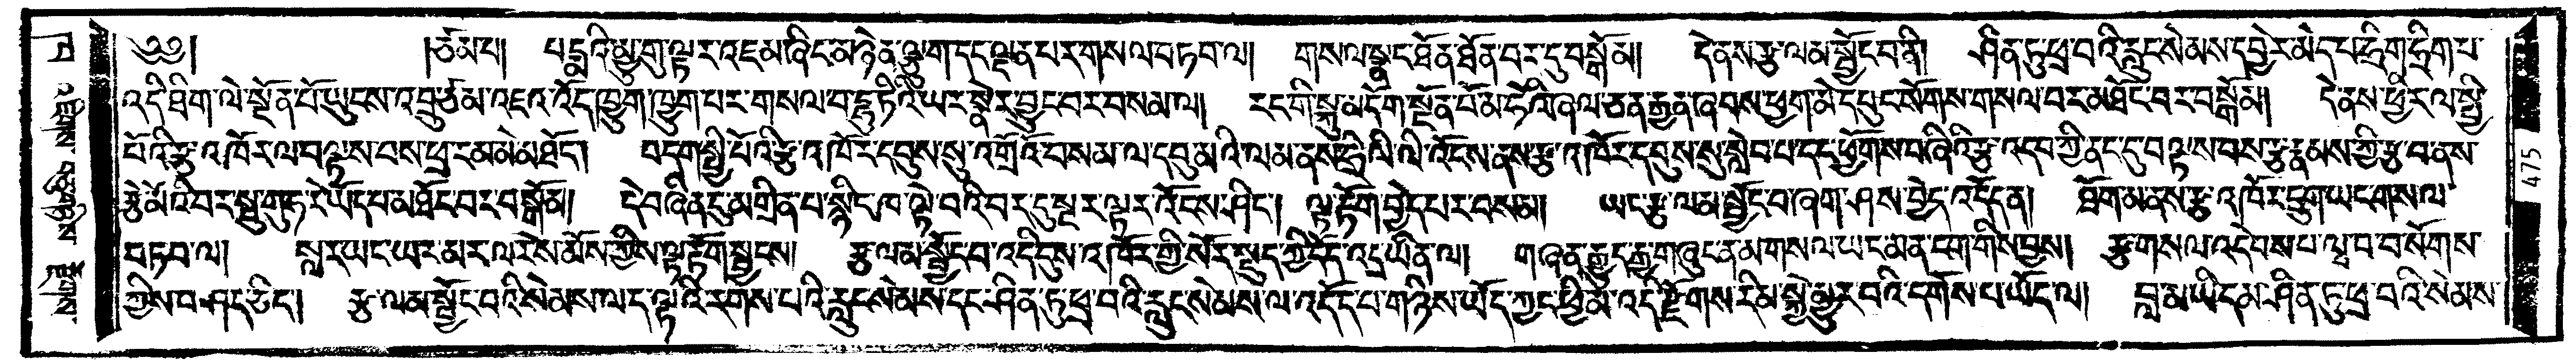༄༅། །ཙམ་པ། པདམའི་མྱུ་གུ་ལྟར་འཇམ་ཞིང་མཉེན་ལྕུག་དང་ལྡན་པར་གསལ་བཏབ་ལ། གསལ་སྣང་ཐོན་ཐོན་བར་དུ་བསྒོམ། དེ་ནས་རྩ་ལམ་སྦྱོང་བ་ནི། ཤིན་ཏུ་ཕྲ་བའི་རླུང་སེམས་དབྱེར་མེད་པ་ཧྲིག་ཧྲིག་པ་
འདི་ཐིག་ལེ་སྔོན་པོ་ཡུངས་འབྲུ་ཙམ་འཇའ་འོད་ཁྱུག་ཁྱུག་པར་གསལ་བ་དྷུ་ཏིའི་ཡར་སྣེར་བྱུང་བར་བསམ་ལ། རང་གི་སྐུ་མདོག་སྔོན་པོ་མ་ཧེའི་ཞལ་ཅན་རྒྱན་ཞབས་ཕྱག་མེ་དཔུང་སོགས་གསལ་བར་མཐོང་བར་བསྒོམ། དེ་ནས་ཕྱིར་ལ་སྤྱི་
པོའི་རྩ་འཁོར་ལ་བལྟས་པས་ཕྲ་རམ་མེ་མཐོང་། བདག་སྤྱི་པོའི་རྩ་འཁོར་དབུས་སུ་འགྲོའོ་བསམ་ལ་དབུ་མའི་ལམ་ནས་ཧྲི་ལི་ལི་འོངས་ནས་རྩ་འཁོར་དབུས་སུ་སླེབ་པ་དང་ཕྱོགས་བཞིའི་རྩ་འདབ་ཀྱི་ནང་དུ་བལྟས་བས་རྩ་རྣམས་ཀྱི་རྩ་བ་ནས་
རྩེ་མོའི་བར་སྦུ་གུ་ཧ་རེ་ཡོད་པ་མཐོང་བར་བསྒོམ། དེ་བཞིན་དུ་མགྲིན་པ་སྙིང་ཁ་ལྟེ་བའི་བར་དུ་སྔར་ལྟར་འོངས་ཤིང་། ལྟ་རྟོག་བྱེད་པར་བསམ། ཡང་རྩ་ལམ་སྦྱོང་བ་ཞག་ཤས་བྱེད་འདོད་ན། ཐོག་མ་ནས་རྩ་འཁོར་དྲུག་ཡང་གསལ་
བཏབ་ལ། སླར་ཡང་ཡར་མར་ལ་རེས་མོས་ཀྱིས་ལྟ་རྟོག་སྦྱངས། རྩ་ལམ་སྦྱོང་བ་འདི་དུས་འཁོར་གྱི་སོར་སྡུད་ཀྱི་དོད་འདྲ་ཡིན་ལ། གཞན་རྒྱུད་རྒྱ་གཞུང་ན་མ་གསལ་ཡང་མན་ངག་གིས་བྱས། རྩ་གསལ་འདེབས་པ་ལྭ་བ་བ་སོགས་
ཀྱིས་བཤད་ཅིང་། རྩ་ལམ་སྦྱོང་བའི་སེམས་ལ་ད་ལྟའི་རགས་པའི་རླུང་སེམས་དང་ཤིན་ཏུ་ཕྲ་བའི་རླུང་སེམས་ལ་འདོད་པ་གཉིས་ཡོད་ཀྱང་ཕྱི་མ་འདི་རྫོགས་རིམ་སྐྱེ་མྱུར་བའི་དགོས་པ་ཡོད་ལ། བླ་མ་ཡི་དམ་ཤིན་ཏུ་ཕྲ་བའི་སེམས་